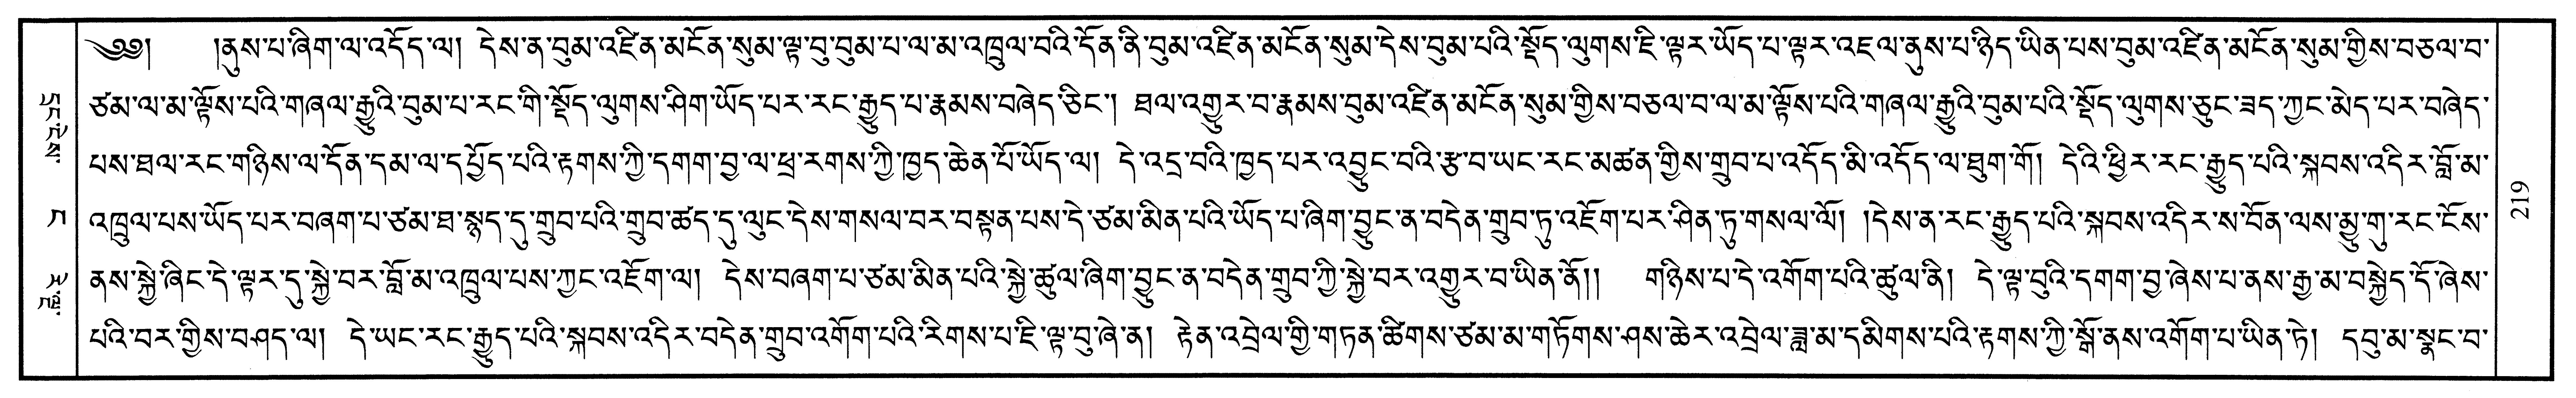༄༅། །ནུས་པ་ཞིག་ལ་འདོད་ལ། དེས་ན་བུམ་འཛིན་མངོན་སུམ་ལྟ་བུ་བུམ་པ་ལ་མ་འཁྲུལ་བའི་དོན་ནི་བུམ་འཛིན་མངོན་སུམ་དེས་བུམ་པའི་སྡོད་ལུགས་ཇི་ལྟར་ཡོད་པ་ལྟར་འཇལ་ནུས་པ་ཉིད་ཡིན་པས་བུམ་འཛིན་མངོན་སུམ་གྱིས་བཅལ་བ་
ཙམ་ལ་མ་ལྟོས་པའི་གཞལ་རྒྱུའི་བུམ་པ་རང་གི་སྡོད་ལུགས་ཤིག་ཡོད་པར་རང་རྒྱུད་པ་རྣམས་བཞེད་ཅིང་། ཐལ་འགྱུར་བ་རྣམས་བུམ་འཛིན་མངོན་སུམ་གྱིས་བཅལ་བ་ལ་མ་ལྟོས་པའི་གཞལ་རྒྱུའི་བུམ་པའི་སྡོད་ལུགས་ཅུང་ཟད་ཀྱང་མེད་པར་བཞེད་
པས་ཐལ་རང་གཉིས་ལ་དོན་དམ་ལ་དཔྱོད་པའི་རྟགས་ཀྱི་དགག་བྱ་ལ་ཕྲ་རགས་ཀྱི་ཁྱད་ཆེན་པོ་ཡོད་ལ། དེ་འདྲ་བའི་ཁྱད་པར་འབྱུང་བའི་རྩ་བ་ཡང་རང་མཚན་གྱིས་གྲུབ་པ་འདོད་མི་འདོད་ལ་ཐུག་གོ། དེའི་ཕྱིར་རང་རྒྱུད་པའི་སྐབས་འདིར་བློ་མ་
འཁྲུལ་པས་ཡོད་པར་བཞག་པ་ཙམ་ཐ་སྙད་དུ་གྲུབ་པའི་གྲུབ་ཚད་དུ་ལུང་དེས་གསལ་བར་བསྟན་པས་དེ་ཙམ་མིན་པའི་ཡོད་པ་ཞིག་བྱུང་ན་བདེན་གྲུབ་ཏུ་འཇོག་པར་ཤིན་ཏུ་གསལ་ལོ། །དེས་ན་རང་རྒྱུད་པའི་སྐབས་འདིར་ས་བོན་ལས་མྱུ་གུ་རང་ངོས་
ནས་སྐྱེ་ཞིང་དེ་ལྟར་དུ་སྐྱེ་བར་བློ་མ་འཁྲུལ་པས་ཀྱང་འཇོག་ལ། དེས་བཞག་པ་ཙམ་མིན་པའི་སྐྱེ་ཚུལ་ཞིག་བྱུང་ན་བདེན་གྲུབ་ཀྱི་སྐྱེ་བར་འགྱུར་བ་ཡིན་ནོ།། གཉིས་པ་དེ་འགོག་པའི་ཚུལ་ནི། དེ་ལྟ་བུའི་དགག་བྱ་ཞེས་པ་ནས་རྒྱ་མ་བསྐྱེད་དོ་ཞེས་
པའི་བར་གྱིས་བཤད་ལ། དེ་ཡང་རང་རྒྱུད་པའི་སྐབས་འདིར་བདེན་གྲུབ་འགོག་པའི་རིགས་པ་ཇི་ལྟ་བུ་ཞེ་ན། རྟེན་འབྲེལ་གྱི་གཏན་ཚིགས་ཙམ་མ་གཏོགས་ཤས་ཆེར་འབྲེལ་ཟླ་མ་དམིགས་པའི་རྟགས་ཀྱི་སྒོ་ནས་འགོག་པ་ཡིན་ཏེ། དབུ་མ་སྣང་བ་